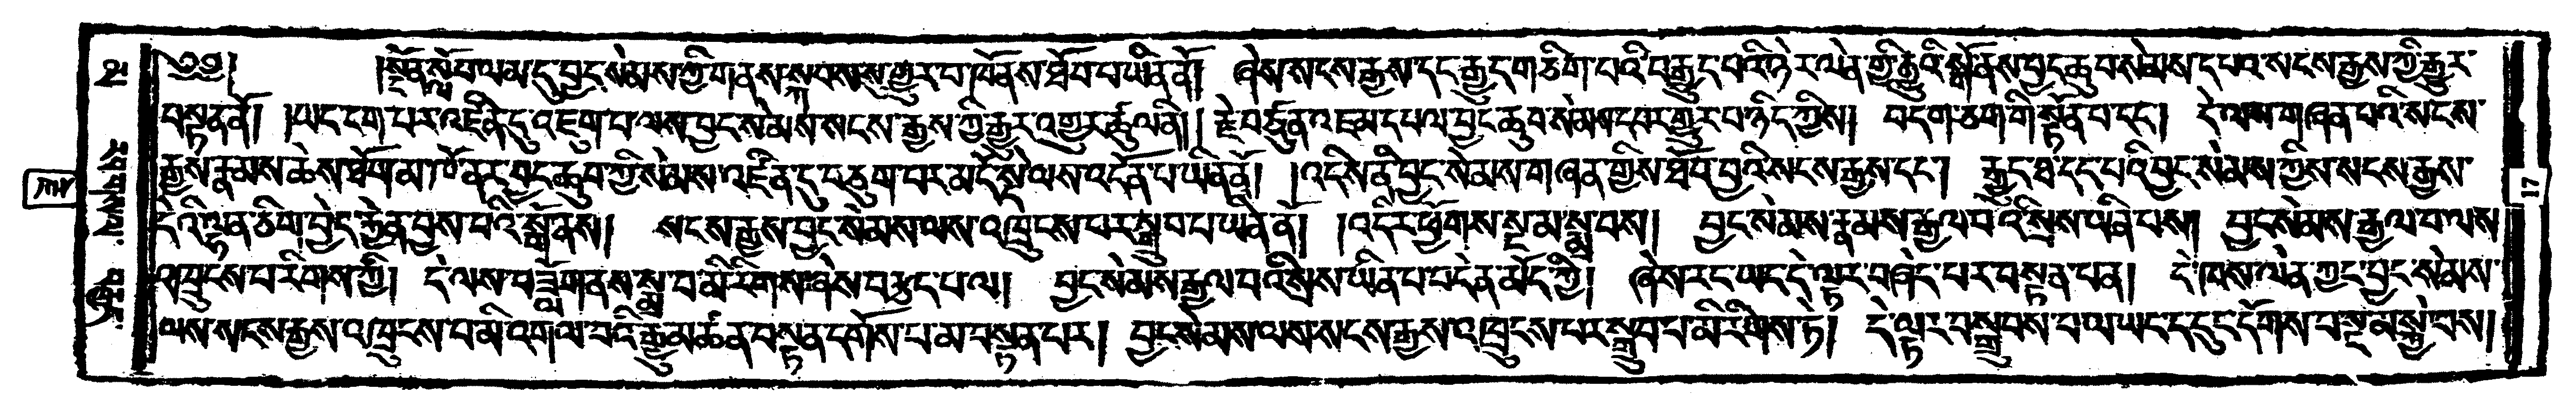༄༅། །སྔོན་སློབ་ལམ་དུ་བྱང་སེམས་ཀྱི་གནས་སྐབས་སུ་གྱུར་པ་ཁོ་ནས་ཐོབ་པ་ཡིན་ནོ། ཞེས་སངས་རྒྱས་དང་རྒྱུད་གཅིག་པའི་བརྒྱུད་པའི་ཉེར་ལེན་གྱི་རྒྱུའི་སྒོ་ནས་བྱང་ཆུབ་སེམས་དཔའ་སངས་རྒྱས་ཀྱི་རྒྱུར་
བསྟན་ནོ། །ཡང་དག་པར་འཛིན་དུ་འཇུག་པ་ལས་བྱང་སེམས་སངས་རྒྱས་ཀྱི་རྒྱུར་འགྱུར་ཚུལ་ནི། རྗེ་བཙུན་འཇམ་དཔལ་བྱང་ཆུབ་སེམས་དཔར་གྱུར་པ་ཉིད་ཀྱིས། བདག་ཅག་གི་སྟོན་པ་དང་། དེ་ལས་གཞན་པའི་སངས་
རྒྱས་རྣམས་ཆེས་ཐོག་མ་ཁོ་ནར་བྱང་ཆུབ་ཀྱི་སེམས་འཛིན་དུ་བཅུག་པར་མདོ་སྡེ་ལས་འདོན་པ་ཡིན་ནོ། །འདིས་ནི་བྱང་སེམས་གཞན་གྱིས་ཐོབ་བྱའི་སངས་རྒྱས་དང་། རྒྱུད་ཐ་དད་པའི་བྱང་སེམས་ཀྱིས་སངས་རྒྱས་
དེའི་ལྷན་ཅིག་བྱེད་རྐྱེན་བྱས་པའི་སྒོ་ནས། སངས་རྒྱས་བྱང་སེམས་ལས་འཁྲུངས་པར་སྒྲུབ་པ་ཡིན་ནོ། །འདིར་ཕྱོགས་སྔ་མ་སྨྲ་བས། བྱང་སེམས་རྣམས་རྒྱལ་བའི་སྲས་ཡིན་པས། བྱང་སེམས་རྒྱལ་བ་ལས་
འཁྲུངས་པ་རིགས་ཀྱི། དེ་ལས་བཟློག་ནས་སྨྲ་བ་མི་རིགས་ཞེས་བརྩད་པ་ལ། བྱང་སེམས་རྒྱལ་བའི་སྲས་ཡིན་པ་བདེན་མོད་ཀྱི། ཞེས་རང་ཡང་དེ་ལྟར་བཞེད་པར་བསྟན་པ་ན། དེ་ཁས་ལེན་ཀྱང་བྱང་སེམས་
ལས་སངས་རྒྱས་འཁྲུངས་པ་མི་འགལ་བའི་རྒྱུ་མཚན་བསྟན་དགོས་པ་མ་བསྟན་པར། བྱང་སེམས་ལས་སངས་རྒྱས་འཁྲུངས་པར་སྒྲུབ་པ་མི་རིགས་ཏེ། དེ་ལྟར་བསྒྲུབས་པ་ལ་ཡང་ད་དུང་དོགས་པ་སྔ་མ་སྐྱེ་བས།